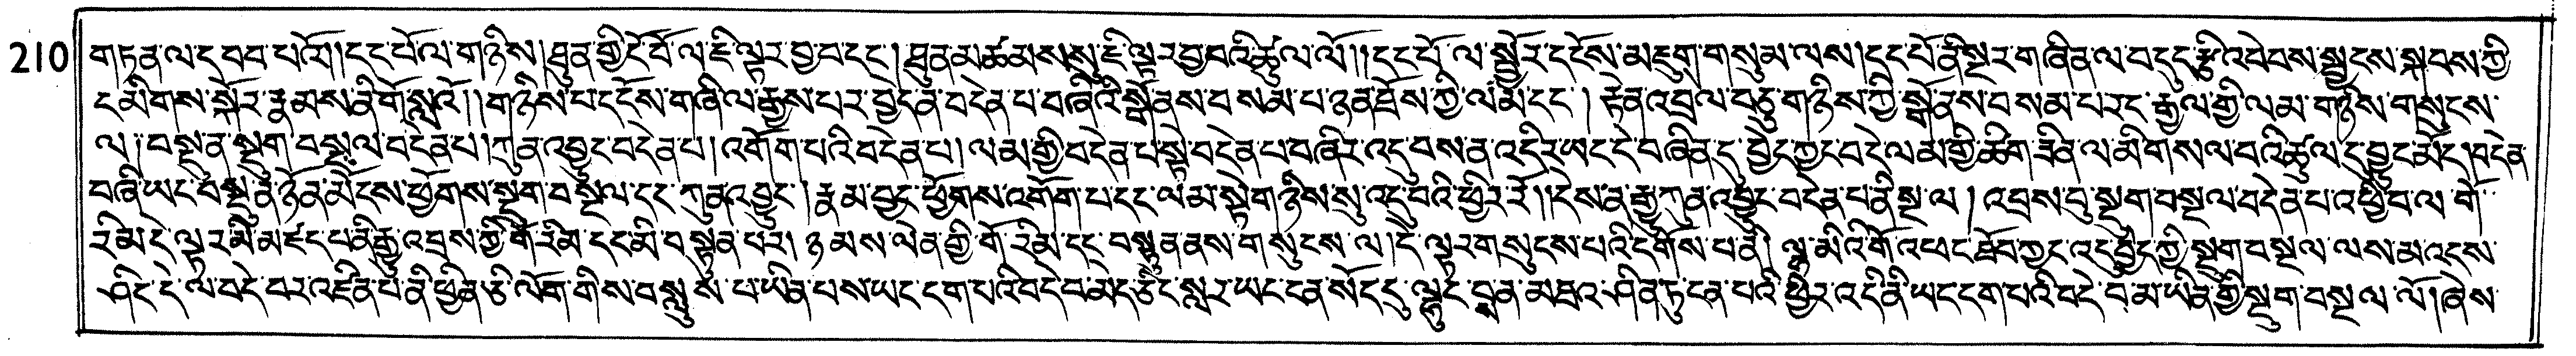གཏན་ལ་དབབ་པའོ། །དང་པོ་ལ་གཉིས། ཐུན་གྱི་ངོ་བོ་ལ་ཇི་ལྟར་བྱ་བ་དང་། ཐུན་མཚམས་སུ་ཇི་ལྟར་བྱ་བའི་ཚུལ་ལོ། །དང་པོ་ལ་སྦྱོར་དངོས་མཇུག་གསུམ་ལས། དང་པོ་ནི་སྔར་གཞིན་ལ་བདུད་རྩི་འབེབས་སྦྱངས་སྐབས་ཀྱི་
དམིགས་སྐོར་རྣམས་ནི་གོ་སླའོ། །གཉིས་པ་དངོས་གཞི་ལ་རྒྱས་པར་བྱེད་ན་བདེན་པ་བཞིའི་སྒོ་ནས་བསམ་པ་ཉན་ཐོས་ཀྱི་ལམ་དང་། རྟེན་འབྲེལ་བཅུ་གཉིས་ཀྱི་སྒོ་ནས་བསམ་པ་རང་རྒྱལ་གྱི་ལམ་གཉིས་གསུངས་
ལ༑ བསྡུ་ན་སྡུག་བསྔལ་བདེན་པ། ཀུན་འབྱུང་བདེན་པ། འགོག་པའི་བདེན་པ། ལམ་གྱི་བདེན་པ་སྟེ་བདེན་པ་བཞིར་འདུ་བས་ན་འདིར་ཡང་དེ་བཞིན་དུ་བྱེད་ཀྱང་བདེ་ལམ་གྱི་ཚིག་ཟིན་ལ་མི་གསལ་བའི་ཚུལ་དུ་བྱུང་མོད། བདེན་
བཞི་ཡང་བསྡུ་ན་ཉོན་མོངས་ཕྱོགས་སྡུག་བསྔལ་དང་ཀུན་འབྱུང་། རྣམ་བྱང་ཕྱོགས་འགོག་པ་དང་ལམ་སྟེ་གཉིས་སུ་འདུ་བའི་ཕྱིར་རོ། །དེས་ན་རྒྱུ་ཀུན་འབྱུང་བདེན་པ་ནི་སྔ་ལ། འབྲས་བུ་སྡུག་བསྔལ་བདེན་པ་འཕྱི་བ་ལ་གོ་
རིམ་དེ་ལྟར་མི་མཛད་པ་ནི་རྒྱུ་འབྲས་ཀྱི་གོ་རིམ་དང་མི་བསྟུན་པར། ཉམས་ལེན་གྱི་གོ་རིམ་དང་བསྟུན་ནས་གསུངས་ལ། དེ་ལྟར་གསུངས་པའི་དགོས་པ་ནི། ལྷ་མིའི་གོ་འཕང་ཐོབ་ཀྱང་འདུ་བྱེད་ཀྱི་སྡུག་བསྔལ་ལས་མ་འདས་
ཤིང་དེ་ལ་བདེ་བར་འཛིན་པ་ནི་ཕྱིན་ཅི་ལོག་གིས་བསླུས་པ་ཡིན་པས་ཡང་དག་པའི་བདེ་བ་མེད་ཅིང་སླར་ཡང་ངན་སོང་དུ་ལྷུང་བས་ན་མཐའ་ཤིན་ཏུ་ངན་པའི་ཕྱིར་འདི་ནི་ཡང་དག་པའི་བདེ་བ་མ་ཡིན་གྱི་སྡུག་བསྔལ་ལོ། ཞེས་